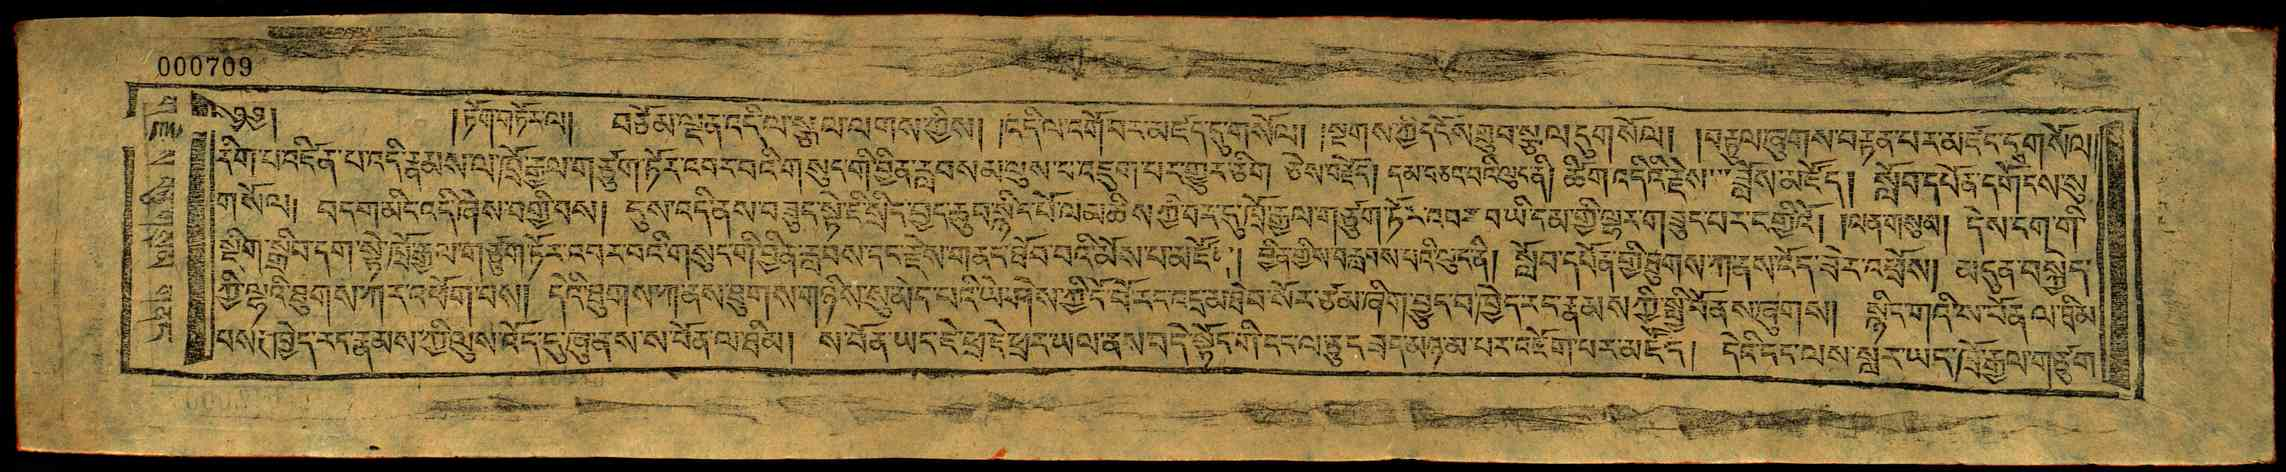༄༅། །ཏོག་གཏོར་ལ། བཅོམ་ལྡན་འདི་ལ་སྩལ་ལགས་ཀྱིས། །འདི་ལ་འགོ་བར་མཛད་དུ་གསོལ། །སྔགས་ཀྱི་དངོས་གྲུབ་སྩལ་དུ་གསོལ། །བརྟུལ་ཞུགས་བརྟན་པར་མཛད་དུ་གསོལ།
རིག་པ་འཛིན་པ་འདི་རྣམས་ལ་ཁྲོ་རྒྱལ་གཙུག་ཏོར་འབར་བའི་གསུང་གི་བྱིན་རླབས་མ་ལུས་པ་འཇུག་པར་གྱུར་ཅིག །ཅེས་བརྗོད། དམ་བཅའ་བའི་ལུང་ནི། ཚིག་འདིའི་རྗེས་ཟློས་མཛོད། སློབ་དཔོན་དགོངས་སུ་
གསོལ། བདག་མིང་འདི་ཞེས་བགྱི་བས། དུས་འདི་ནས་བཟུང་སྟེ་ཇི་སྲིད་བྱང་ཆུབ་སྙིང་པོ་ལ་མཆིས་ཀྱི་བར་དུ་ཁྲོ་རྒྱལ་གཙུག་ཏོར་འབར་བ་ཡི་དམ་གྱི་ལྷར་གཟུང་བར་བགྱིའོ། ། ལན་གསུམ། དེས་དག་གི་
སྡིག་སྒྲིབ་དག་སྟེ་ཁྲོ་རྒྱལ་གཙུག་ཏོར་འབར་བའི་གསུང་གི་བྱིན་རླབས་དང་རྗེས་གནང་ཐོབ་པའི་མོས་པ་མཛོད། བྱིན་གྱིས་བརླབས་པའི་ལུང་ནི། སློབ་དཔོན་གྱི་ཐུགས་ཀ་ནས་འོད་ཟེར་འཕྲོས། མདུན་བསྐྱེད་
ཀྱི་ལྷའི་ཐུགས་ཀར་འཕོག་པས། དེའི་ཐུགས་ཀ་ནས་ཐུགས་གཉིས་སུ་མེད་པའི་ཡེ་ཤེས་ཀྱི་ངོ་བོ་རང་འདྲ་མཐེབ་སོར་ཙམ་ཞིག་བྱུང་བ་ཁྱེད་རང་རྣམས་ཀྱི་སྤྱི་བོ་ནས་ཞུགས། སྙིང་གའི་ས་བོན་ལ་ཐིམ་
པས༑ ཁྱེད་རང་རྣམས་ཀྱི་ལུས་འོད་དུ་ཞུ་ནས་ས་བོན་ལ་ཐིམ། ས་བོན་ཡང་ཇེ་ཕྲ་ཇེ་ཕྲར་ཡལ་ནས་བདེ་སྟོང་གི་ངང་ལ་ཅུང་ཟད་མཉམ་པར་འཇོག་པར་མཛོད། དེའི་ངང་ལས་སླར་ཡང་ཁྲོ་རྒྱལ་གཙུག་